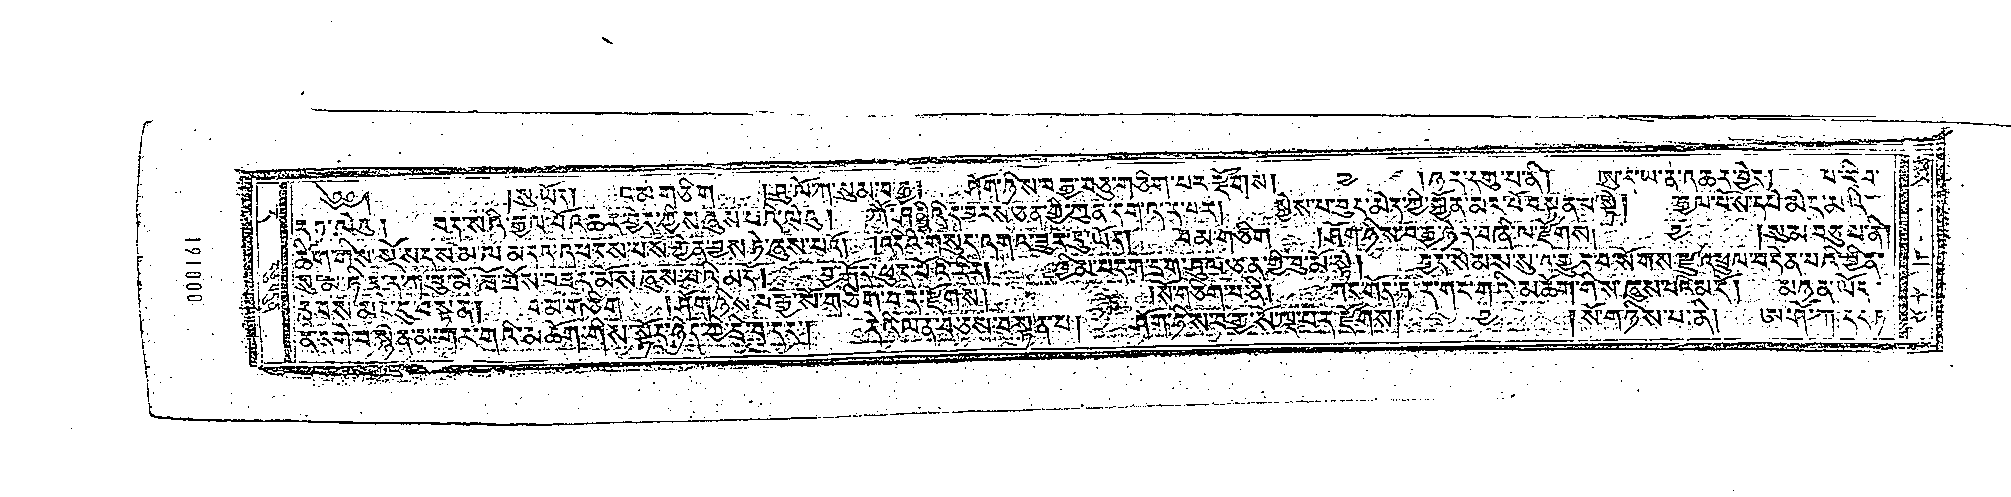༄༅། །སུ་ཡོད། བམ་གཅིག །ཤུ་ལོ་ཀ་སུམ་བརྒྱ། ཤོག་ཉིས་བརྒྱ་བཅུ་གཅིག་པར་རྫོགས། ༧་།ཉེར་དགུ་པ་ནི། ཨུ་ད་ཡ་ན་འཆར་བྱེད། པ་རིབ་
རའི་ལེའུ། བར་སའི་རྒྱལ་པོ་འཆར་བྱེད་ཀྱིས་ཞུས་པའི་ལེའུ། ཀཽ་ཤམྦྷིའི་དབྱངས་ཅན་གྱི་ཀུན་དགའ་ར་བར། སྐྱེས་པ་བུད་མེད་ཀྱི་སྐྱོན་མང་པོ་བསྟན་པ་སྟེ། རྒྱལ་པོས་དཔེ་མེད་མའི་
ཚིག་གིས་སྔོ་སངས་མ་ལ་མདའ་འཕངས་པས་རྐྱེན་བྱས་ཏེ་ཞུས་པའོ། །འདིའི་གསུང་འགའ་ཟུར་དུ་ཡོད། བམ་གཅིག །ཤོག་ཉིས་བརྒྱ་ཉེར་བཞི་ལ་རྫོགས། ༧་།སུམ་བཅུ་པ་ནི།
སུ་མ་ཏེ་དཱ་ར་ཀ་བུ་མོ་བློ་གྲོས་བཟང་མོས་ཞུས་པའི་མདོ། བྱ་རྒོད་ཕུང་པོའི་རིར། ཁྱིམ་བདག་དྲག་ཤུལ་ཅན་གྱི་བུ་མོ་སྟེ། བྱང་སེམས་སུ་འགྱུར་བ་སོགས་རྫུ་འཕྲུལ་བདེན་པའི་བྱིན་
རླབས་མང་དུ་བསྟན། བམ་གཅིག །ཤོག་ཉིས་བརྒྱ་སོ་གཅིག་པར་རྫོགས། །སོ་གཅིག་པ་ནི། གང་གོད་ཏ་ར་གང་གའི་མཆོག་གིས་ཞུས་པའི་མདོ། མཉན་ཡོད་
ན་དགེ་བསྙེན་མ་གང་གའི་མཆོག་གིས་སྟོང་ཉིད་ཀྱི་དྲི་བ་དང་། དེའི་ལན་བཅས་བསྟན་པ། ཤོག་ཉིས་བརྒྱ་སོ་ལྔ་པར་རྫོགས། ༧་།སོ་གཉིས་པ་ནི། ཨ་ཤོ་ཀ་དང་ཏ་